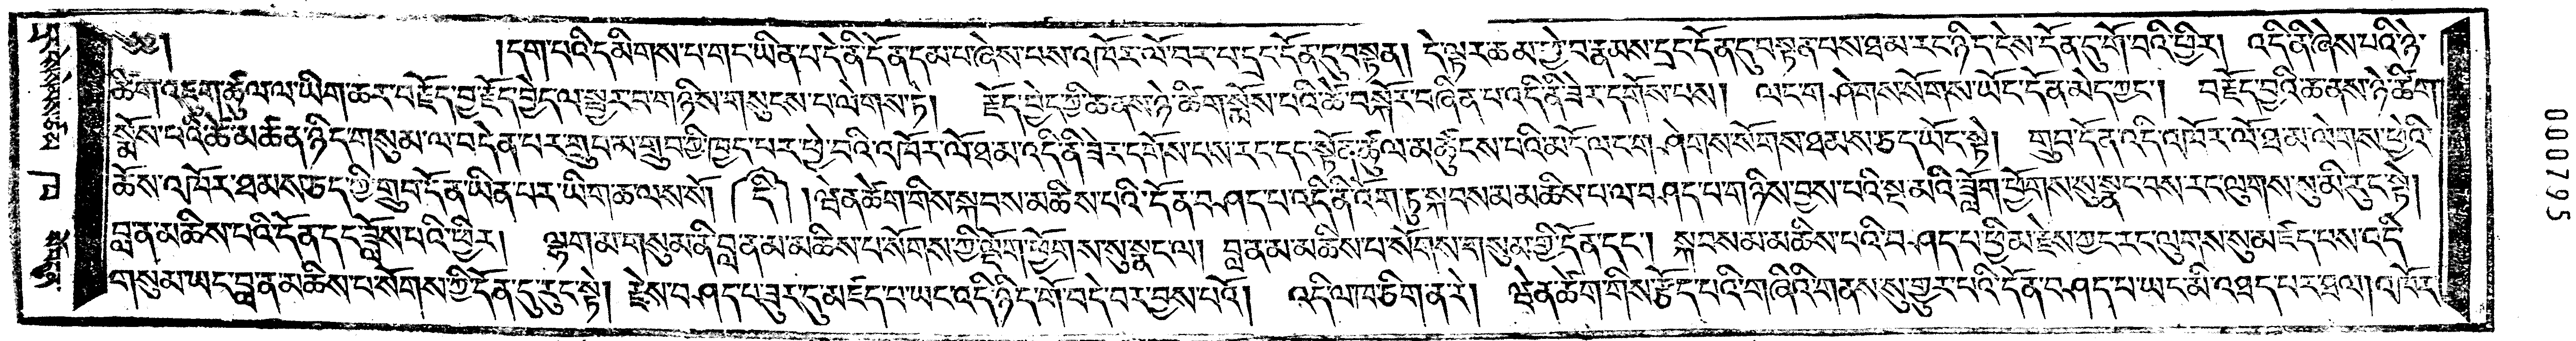༄༅། །དག་པའི་དམིགས་པ་གང་ཡིན་པ་དེ་ནི་དོན་དམ་པ་ཞེས་པས་འཁོར་ལོ་བར་པ་དྲང་དོན་དུ་བསྟན། དེ་ལྟར་ཆམ་ཕྱེ་བ་རྣམས་དྲང་དོན་དུ་བསྟན་པས་ཐ་མ་རང་ཉིད་ངེས་དོན་དུ་གོ་བའི་ཕྱིར། འདི་ནི་ཞེས་པའི་ཉེ་
ཚིག་འཇུག་ཚུལ་ལ་ཡིག་ཆར་བརྗོད་བྱ་རྗོད་བྱེད་ལ་སྦྱར་བ་གཉིས་གསུངས་པ་ལེགས་ཏེ། རྗོད་བྱེད་ཀྱི་ཆ་ནས་ཉེ་ཚིག་སྨོས་པའི་ཚེ་བསྐོར་བཞིན་པ་འདི་ནི་ཟེར་དགོས་པས། ལང་གཤེགས་སོགས་ཡོང་དོན་མེད་ཀྱང་། བརྗོད་བྱའི་ཆ་ནས་ཉེ་ཚིག་
སྨོས་པའི་ཚེ་མཚན་ཉིད་གསུམ་ལ་བདེན་པར་གྲུབ་མ་གྲུབ་ཀྱི་ཁྱད་པར་ཕྱེ་བའི་འཁོར་ལོ་ཐ་མ་འདི་ནི་ཟེར་དགོས་པས་རང་དང་སྟོན་ཚུལ་མཚུངས་པའི་མདོ་ལང་གཤེགས་སོགས་ཐམས་ཅད་ཡོད་སྟེ། གྲུབ་དོན་འདི་འཁོར་ལོ་ཐ་མ་ལེགས་ཕྱེའི་
ཆོས་འཁོར་ཐམས་ཅད་ཀྱི་གྲུབ་དོན་ཡིན་པར་ཡིག་ཆ་ལས་སོ། ༼དི༽ །ཝེན་ཚེག་གིས་སྐབས་མཆིས་པའི་དོན་བཤད་པ་འདི་ནི་འོག་ཏུ་སྐབས་མ་མཆིས་པ་ལ་བཤད་པ་གཉིས་བྱས་པའི་སྔ་མའི་ཟློག་ཕྱོགས་སུ་སྣང་བས་རང་ལུགས་སུ་མི་རུང་སྟེ།
བླ་ན་མཆིས་པའི་དོན་དང་ཟློས་པའི་ཕྱིར། ལྷག་མ་གསུམ་ནི་བླ་ན་མ་མཆིས་པ་སོགས་ཀྱི་ལྡོག་ཕྱོགས་སུ་སྣང་ལ། བླ་ན་མ་མཆིས་པ་སོགས་གསུམ་གྱི་དོན་དང་། སྐབས་མ་མཆིས་པའི་བཤད་པ་ཕྱི་མ་རྗེས་ཀྱང་རང་ལུགས་སུ་མཛད་པས་འདི་
གསུམ་ཡང་བླ་ན་མཆིས་པ་སོགས་ཀྱི་དོན་དུ་རུང་སྟེ། རྗེས་བཤད་པ་ཟུར་དུ་མཛད་པ་ཡང་འདི་ཉིད་གོ་བདེ་བར་བྱས་པའོ། འདི་ལ་ཁ་ཅིག་ན་རེ། ཝེན་ཚེག་གིས་རྩོད་པའི་གཞིའི་གནས་སུ་གྱུར་པའི་དོན་བཤད་པ་ཡང་མི་འཐད་པར་ཐལ། འཁོར་